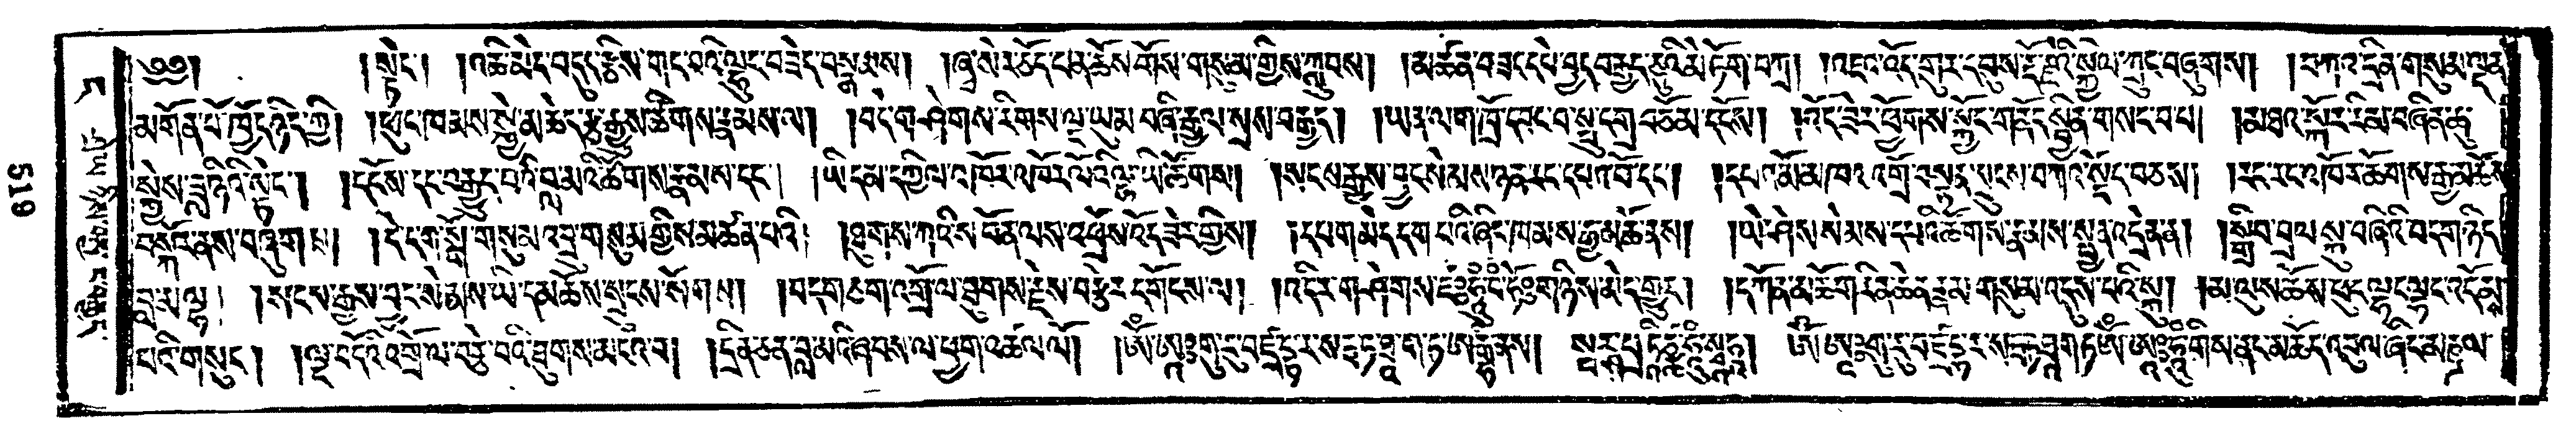༄༅། །སྟེང་། །འཆི་མེད་བདུད་རྩིས་གང་བའི་ལྷུང་བཟེད་བསྣམས། །ཞྭ་སེར་ཅོད་པན་ཆོས་གོས་གསུམ་གྱིས་ཀླུབས། །མཚན་བཟང་དཔེ་བྱད་བརྒྱད་ཅུའི་མེ་ཏོག་བཀྲ། །འཇའ་འོད་གུར་དབུས་རྡོ་རྗེའི་སྐྱིལ་ཀྲུང་བཞུགས། །བཀའ་དྲིན་གསུམ་ལྡན་
མགོན་པོ་ཁྱོད་ཉིད་ཀྱི། །ཕུང་ཁམས་སྐྱེ་མཆེད་རྩ་རྒྱུས་ཚིགས་རྣམས་ལ། །བདེ་གཤེགས་རིགས་ལྔ་ཡུམ་བཞི་རྒྱལ་སྲས་བརྒྱད། །ཡན་ལག་ཁྲོ་དབང་བ་སྤུ་དགྲ་བཅོམ་དངོས། །འོད་ཟེར་ཕྱོགས་སྐྱོང་གནོད་སྦྱིན་གསང་བ་པ། །མཐའ་སྐོར་རིམ་བཞིན་ཆུ་
སྐྱེས་ཟླ་ཉིའི་སྟེང་། །དངོས་དང་བརྒྱུད་པའི་བླ་མའི་ཚོགས་རྣམས་དང་། །ཡི་དམ་དཀྱིལ་འཁོར་འཁོར་ལོའི་ལྷ་ཡི་ཚོགས། །སངས་རྒྱས་བྱང་སེམས་ཉན་རང་དཔའ་བོ་དང་། །དཔའ་མོ་མཁའ་འགྲོ་བསྟན་སྲུངས་བཀའ་སྡོད་བཅས། །རང་རང་འཁོར་ཚོགས་རྒྱ་མཚོས་
བསྐོར་ནས་བཞུགས། །དེ་དག་སྒོ་གསུམ་འབྲུ་གསུམ་གྱིས་མཚན་པའི། །ཐུགས་ཀའི་ས་བོན་ལས་འཕྲོས་འོད་ཟེར་གྱིས། །དཔག་མེད་དག་པའི་ཞིང་ཁམས་རྒྱ་མཚོ་ནས། །ཡེ་ཤེས་སེམས་དཔའི་ཚོགས་རྣམས་སྤྱན་འདྲེན་ན། །སྒྲིབ་བྲལ་སྐུ་བཞིའི་བདག་ཉིད་
བླ་མ་ལྷ། །སངས་རྒྱས་བྱང་སེམས་ཡི་དམ་ཆོས་སྲུངས་སོགས། །བདག་ཅག་འགྲོ་ལ་ཐུགས་རྗེས་བརྩེར་དགོངས་ལ། །འདིར་གཤེགས་ཛཿ ཧཱུཾ་བཾ་ཧོཿ གཉིས་མེད་གྱུར། །དཀོན་མཆོག་རིན་ཆེན་རྣམ་གསུམ་འདུས་པའི་སྐུ། །མ་ལུས་ཆོས་ཕུང་ལྷང་ལྷང་འདོམས་
པའི་གསུང་། །ལྔ་བདོའི་འགྲོ་ལ་བརྩེ་བའི་ཐུགས་མངའ་བ། །དྲིན་ཅན་བླ་མའི་ཞབས་ལ་ཕྱག་འཚལ་ལོ། །ཨོཾ་ཨཱཿགུ་རུ་བཛྲ་དྷ་ར་སརྦ་ཏ་ཐཱ་ག་ཏ་ཨརྒྷཾ་ནས། སྤརྴ་པྲ་ཏཱིཙྪ་ཧཱུཾ་སྭཱཧཱ། ཨོཾ་ཨཱཿགུ་རུ་བཛྲ་དྷ་ར་སརྦ་ཏ་ཐཱ་ག་ཏ་ཨོཾ་ཨཱཿཧཱུཾ་གིས་ནང་མཆོད་འབུལ་ཞིང་མཎྜལ་